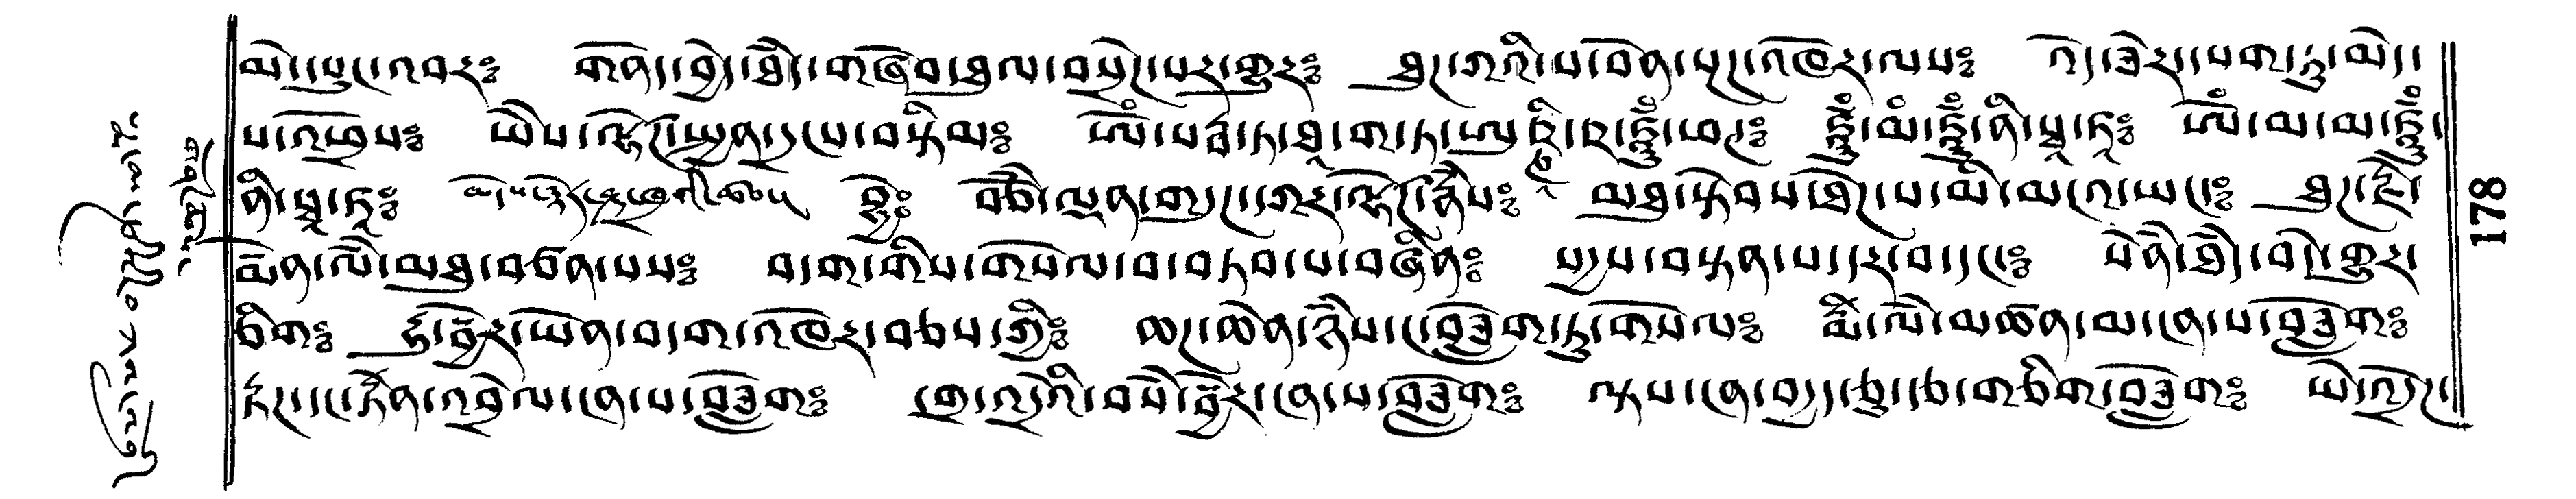མེ་དཔུང་འབར༔ གནོད་བྱེད་ཐམས་ཅད་གཞོབ་ཏུ་བསྲེགས་པར་གྱུར༔ ཐུགས་ཀའི་ས་བོན་སྔགས་འཁོར་ལས༔ འོད་ཟེར་དཔག་ཏུ་མེད་
པ་འཕྲོས༔ ཡེ་ཤེས་ལྷ་ཚོགས་སྤྱན་དྲངས་བསྟིམ༔ ཨོཾ་སརྦ་ཏ་ཐཱ་ག་ཏ་ཨུཥྞི་ར་ཧཱུྃ་ཕཊ༔ ཧཱུྃ་མམ་ཧཱུྃ་ནི་སྭ་ཧཱ༔ ཨོཾ་མ་མ་ཧཱུྃ་
ནི་སྭ་ཧཱ༔ མདོས་ཟོར་ཤ་ཁྲག་གི་ཚབ། བྷྱོ༔ བཅོམ་ལྡན་གདུགས་དཀར་ལྷ་ཚོགས་རྣམས༔ མཐུ་སྟོབས་ཐོགས་པ་མི་མངའ་ཞིང༔ ཐུགས་རྗེ་
སྨོན་ལམ་མཐུ་བཙན་པས༔ བདག་གིས་གསོལ་བ་བཏབ་པ་བཞིན༔ སངས་རྒྱས་བསྟན་པ་དར་བ་དང༔ སེམས་ཅན་ཐམས་ཅད་བདེ་གྱུར་
ཅིག༔ རྒྱུ་སྦྱོར་ཡོན་བདག་འཁོར་བཅས་ཀྱི༔ ཆགས་ཆེ་ཉམས་ང་བཟློག་ཏུ་གསོལ༔ རྨི་ལམ་མཚན་མ་ངན་པ་བཟློག༔ 
རྟགས་དང་རྟེན་འབྲེལ་ངན་པ་བཟློག༔ དགྲ་འདྲེའི་བསམ་སྦྱོར་ངན་པ་བཟློག༔ ལྟས་ངན་བརྒྱད་ཅུ་རྩ་གཅིག་བཟློག༔ ཡེ་འདྲོགས་